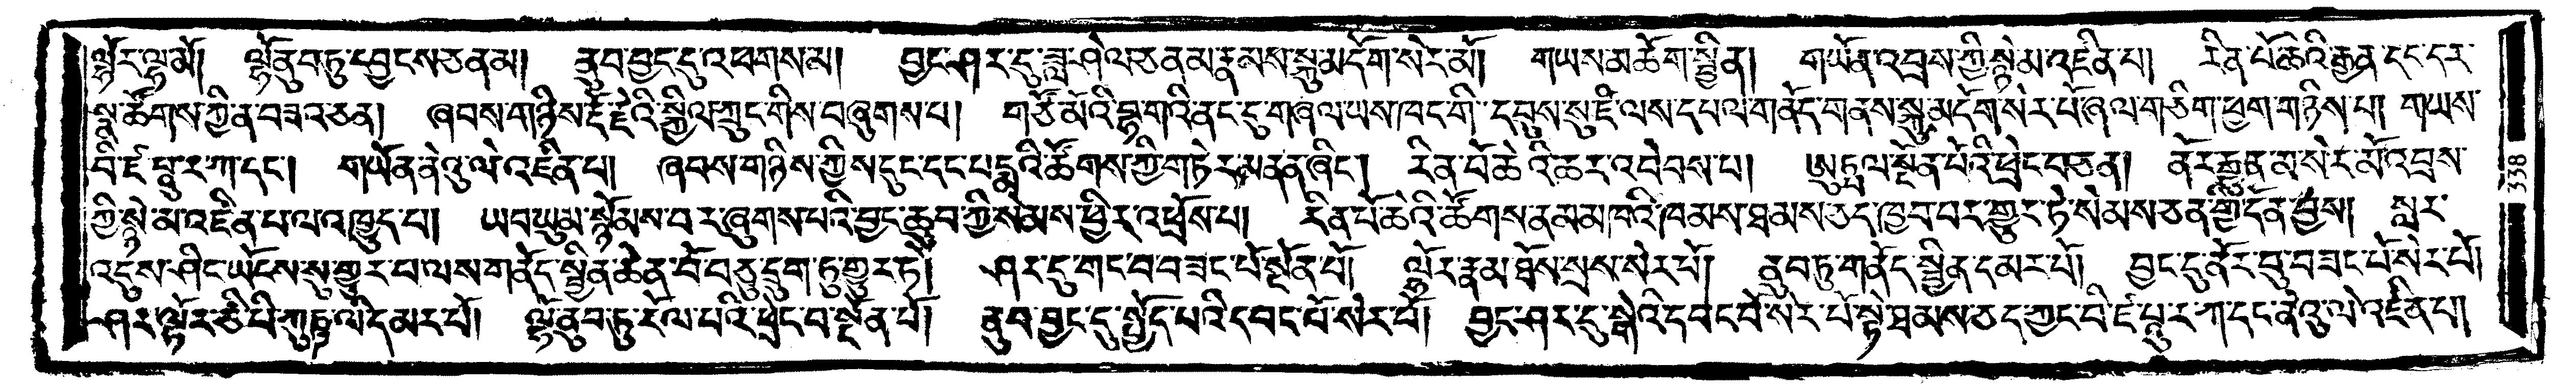ལྷོར་ལྷ་མོ། ལྷོ་ནུབ་ཏུ་དབྱངས་ཅན་མ། ནུབ་བྱང་དུ་འཕགས་མ། བྱང་ཤར་དུ་ཟླ་ཤེལ་ཅན་མ་རྣམས་སྐུ་མདོག་སེར་མོ། གཡས་མཆོག་སྦྱིན། གཡོན་འབྲས་ཀྱི་སྙེམ་འཛིན་པ། རིན་པོ་ཆེའི་རྒྱན་དང་དར་
སྣ་ཚོགས་ཀྱི་ན་བཟའ་ཅན། ཞབས་གཉིས་རྡོ་རྗེའི་སྐྱིལ་ཀྲུང་གིས་བཞུགས་པ། གཙོ་མོའི་བྷ་གའི་ནང་དུ་གཞལ་ཡས་ཁང་གི་དབུས་སུ་ཛཾ་ལས་དཔལ་གནོད་གནས་སྐུ་མདོག་སེར་པོ་ཞལ་གཅིག་ཕྱག་གཉིས་པ། གཡས་
བི་ཛ་པཱུ་ར་ཀ་དང་། གཡོན་ནེའུ་ལེ་འཛིན་པ། ཞབས་གཉིས་ཀྱིས་དུང་དང་པདམའི་ཚོགས་ཀྱི་གཏེར་མནན་ཞིང་། རིན་པོ་ཆེའི་ཆར་འབེབས་པ། ཨུཏྤལ་སྔོན་པོའི་ཕྲེང་བ་ཅན། ནོར་རྒྱུན་མ་སེར་མོ་འབྲས་
ཀྱི་སྙེ་མ་འཛིན་པ་ལ་འཁྱུད་པ། ཡབ་ཡུམ་སྙོམས་བར་ཞུགས་པའི་བྱང་ཆུབ་ཀྱི་སེམས་ཕྱིར་འཕྲོས་པ། རིན་པོ་ཆེའི་ཚོགས་ནམ་མཁའི་ཁམས་ཐམས་ཅད་ཁྱབ་པར་གྱུར་ཏེ་སེམས་ཅན་གྱི་དོན་བྱས། སླར་
འདུས་ཤིང་ཡོངས་སུ་གྱུར་པ་ལས་གནོད་སྦྱིན་ཆེན་པོ་བཅུ་དྲུག་ཏུ་གྱུར་ཏེ། ཤར་དུ་གང་བ་བཟང་པོ་སྔོན་པོ། ལྷོར་རྣམ་ཐོས་སྲས་སེར་པོ། ནུབ་ཏུ་གནོད་སྦྱིན་དམར་པོ། བྱང་དུ་ནོར་བུ་བཟང་པོ་སེར་པོ།
ཤར་ལྷོར་ཙི་པི་ཀུཎྜ་ལི་དམར་པོ། ལྷོ་ནུབ་ཏུ་རོལ་པའི་ཕྲེང་བ་སྔོན་པོ། ནུབ་བྱང་དུ་སྤྱོད་པའི་དབང་པོ་སེར་པོ། བྱང་ཤར་དུ་སྒེའི་དབང་པོ་སེར་པོ་སྟེ་ཐམས་ཅད་ཀྱང་པི་ཛ་པཱུ་ར་ཀ་དང་ནེའུ་ལེ་འཛིན་པ།